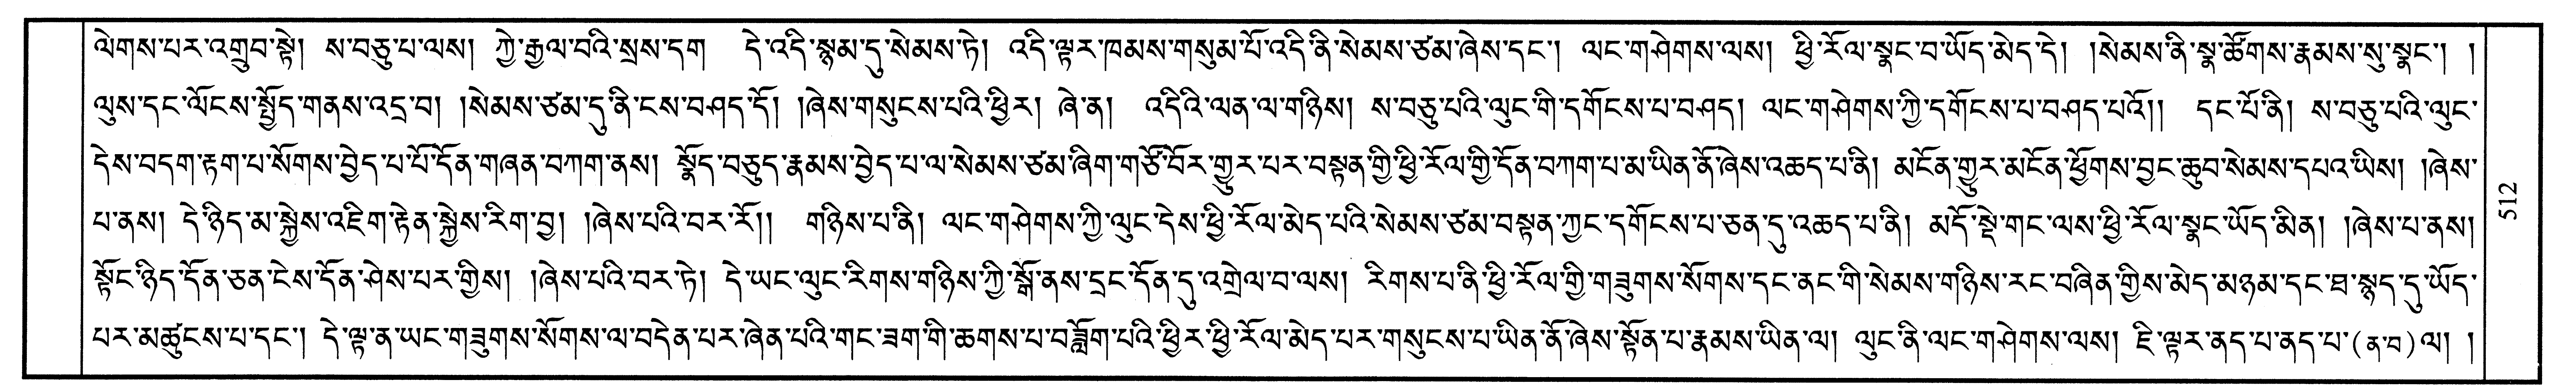ལེགས་པར་འགྲུབ་སྟེ། ས་བཅུ་པ་ལས། ཀྱེ་རྒྱལ་བའི་སྲས་དག་དེ་འདི་སྙམ་དུ་སེམས་ཏེ། འདི་ལྟར་ཁམས་གསུམ་པོ་འདི་ནི་སེམས་ཙམ་ཞེས་དང་། ལང་གཤེགས་ལས། ཕྱི་རོལ་སྣང་བ་ཡོད་མེད་དེ། །སེམས་ནི་སྣ་ཚོགས་རྣམས་སུ་སྣང་།
ལུས་དང་ལོངས་སྤྱོད་གནས་འདྲ་བ། །སེམས་ཙམ་དུ་ནི་ངས་བཤད་དོ། །ཞེས་གསུངས་པའི་ཕྱིར། །ཞེ་ན། འདིའི་ལན་ལ་གཉིས། ས་བཅུ་པའི་ལུང་གི་དགོངས་པ་བཤད། ལང་གཤེགས་ཀྱི་དགོངས་པ་བཤད་པའོ།། དང་པོ་ནི། ས་བཅུ་པའི་ལུང་
དེས་བདག་རྟག་པ་སོགས་བྱེད་པ་པོ་དོན་གཞན་བཀག་ནས། སྣོད་བཅུད་རྣམས་བྱེད་པ་ལ་སེམས་ཙམ་ཞིག་གཙོ་བོར་གྱུར་པར་བསྟན་གྱི་ཕྱི་རོལ་གྱི་དོན་བཀག་པ་མ་ཡིན་ནོ་ཞེས་འཆད་པ་ནི། མངོན་གྱུར་མངོན་ཕྱོགས་བྱང་ཆུབ་སེམས་དཔའ་ཡིས། །ཞེས་
པ་ནས། དེ་ཉིད་མ་སྐྱེས་འཇིག་རྟེན་སྐྱེས་རིག་བྱ། །ཞེས་པའི་བར་རོ།། གཉིས་པ་ནི། ལང་གཤེགས་ཀྱི་ལུང་དེས་ཕྱི་རོལ་མེད་པའི་སེམས་ཙམ་བསྟན་ཀྱང་དགོངས་པ་ཅན་དུ་འཆད་པ་ནི། མདོ་སྡེ་གང་ལས་ཕྱི་རོལ་སྣང་ཡོད་མིན། །ཞེས་པ་ནས།
སྟོང་ཉིད་དོན་ཅན་ངེས་དོན་ཤེས་པར་གྱིས། །ཞེས་པའི་བར་ཏེ། དེ་ཡང་ལུང་རིགས་གཉིས་ཀྱི་སྒོ་ནས་དྲང་དོན་དུ་འགྲེལ་བ་ལས། རིགས་པ་ནི་ཕྱི་རོལ་གྱི་གཟུགས་སོགས་དང་ནང་གི་སེམས་གཉིས་རང་བཞིན་གྱིས་མེད་མཉམ་དང་ཐ་སྙད་དུ་ཡོད་
པར་མཚུངས་པ་དང་། དེ་ལྟ་ན་ཡང་གཟུགས་སོགས་ལ་བདེན་པར་ཞེན་པའི་གང་ཟག་གི་ཆགས་པ་བཟློག་པའི་ཕྱིར་ཕྱི་རོལ་མེད་པར་གསུངས་པ་ཡིན་ནོ་ཞེས་སྟོན་པ་རྣམས་ཡིན་ལ། ལུང་ནི་ལང་གཤེགས་ལས། ཇི་ལྟར་ནད་པ་ནད་པ་རྣ་བ་ལ། །